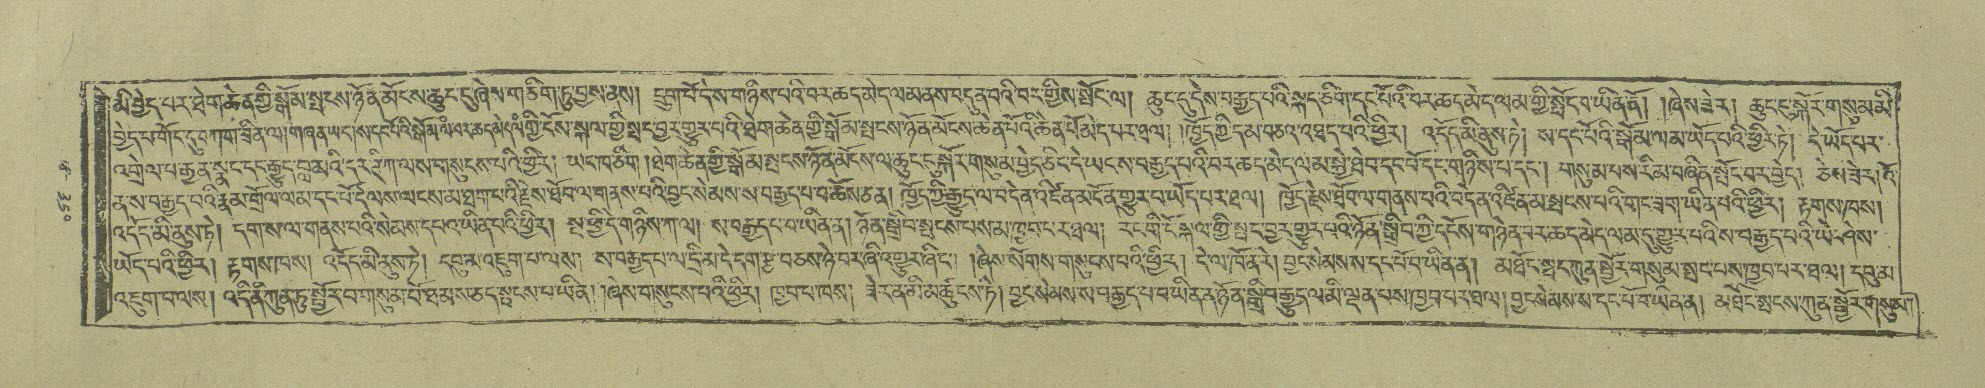མི་བྱེད་པར་ཐེག་ཆེན་གྱི་སྒོམ་སྤངས་ཉོན་མོངས་ཆུང་ངུ་ཞེས་གཅིག་ཏུ་བྱས་ནས། དྲུག་པོ་དེ་ས་གཉིས་པའི་བར་ཆད་མེད་ལམ་ནས་བདུན་པའི་བར་གྱིས་སྤོང་ལ། ཆུང་ངུ་དེ་ས་བརྒྱད་པའི་སྐད་ཅིག་དང་པོའི་བར་ཆད་མེད་ལམ་གྱི་སྤོང་བ་ཡིན་ནོ། །ཞེས་ཟེར། ཆུང་ངུ་སྐོར་གསུམ་མི་
བྱེད་པ་གོང་དུ་བཀག་ཟིན་ལ། གཞན་ཡང་། ས་དང་པོའི་སྒོ་ལམ་བར་ཆད་མེད་ལམ་གྱི་ངོས་སྐལ་གྱི་སྤང་བྱར་གྱུར་པའི་ཐེག་ཆེན་གྱི་སྒོམ་སྤངས་ཉོན་མོངས་ཆེན་པོའི་ཆེན་པོ་མེད་པར་ཐལ། །ཁྱོད་ཀྱི་དམ་བཅའ་འཐད་པའི་ཕྱིར། འདོད་མི་ནུས་ཏེ། ས་དང་པོའི་སྒོམ་ལམ་ཡོད་པའི་ཕྱིར་ཏེ། དེ་ཡོད་པར་
འགྲེལ་བ་རྒྱན་སྣང་དང་རྒྱུད་བླ་མའི་དར་ཊིཀ་ལས་གསུངས་པའི་ཕྱིར། ཡང་ཁ་ཅིག །ཐེག་ཆེན་གྱི་སྒོམ་སྤངས་ཉོན་མོངས་ལ་ཆུང་ངུ་སྐོར་གསུམ་བྱེད་ཅིང་དེ་ཡང་ས་བརྒྱད་པའི་བར་ཆད་མེད་ལམ་སྐྱེ་ཐེབ་དང་པོ་དང་གཉིས་པ་དང་། གསུམ་པས་རིམ་བཞིན་སྤོང་བར་བྱེད། ཅེས་ཟེར། འོ་
ན་ས་བརྒྱད་པའི་རྣམ་གྲོལ་ལམ་དང་པོ་དེ་ལས་ལངས་མ་ཐག་པའི་རྗེས་ཐོབ་ལ་གནས་པའི་བྱང་སེམས་ས་བརྒྱད་པ་བ་ཆོས་ཅན། ཁྱོད་ཀྱི་རྒྱུད་ལ་བདེན་འཛིན་མངོན་གྱུར་པ་ཡོད་པར་ཐལ། ཁྱོད་རྗེས་ཐོབ་ལ་གནས་པའི་བདེན་འཛིན་མ་སྤངས་པའི་གང་ཟག་ཡིན་པའི་ཕྱིར། རྟགས་ཁས།
འདོད་མི་ནུས་ཏེ། དག་ས་ལ་གནས་པའི་སེམས་དཔའ་ཡིན་པའི་ཕྱིར། སྔ་ཕྱི་དེ་གཉིས་ཀ་ལ། ས་བརྒྱད་པ་བ་ཡིན་ན། ཉོན་སྒྲིབ་སྤངས་པས་མ་ཁྱབ་པར་ཐལ། རང་གི་ངོ་སྐལ་གྱི་སྤང་བྱར་གྱུར་པའི་ཉོན་སྒྲིབ་ཀྱི་དངོས་གཉེན་བར་ཆད་མེད་ལམ་དུ་གྱུར་པའི་ས་བརྒྱད་པའི་ཡེ་ཤེས་
ཡོད་པའི་ཕྱིར། རྟགས་ཁས། འདོད་མི་ནུས་ཏེ། དབུ་མ་འཇུག་པ་ལས། ས་བརྒྱད་པ་ལ་དྲི་མ་དེ་དག་རྩ་བཅས་ཉེ་བར་ཞི་འགྱུར་ཞིང་། །ཞེས་སོགས་གསུངས་པའི་ཕྱིར། དེ་ལ་ཁོ་ན་རེ། བྱང་སེམས་ས་དང་པོ་བ་ཡིན་ན། མཐོང་སྤང་ཀུན་སྦྱོར་གསུམ་སྤང་པས་ཁྱབ་པར་ཐལ། དབུ་མ་
འཇུག་པ་ལས། འདི་ནི་ཀུན་ཏུ་སྦྱོར་བ་གསུམ་པོ་ཐམས་ཅད་སྤངས་པ་ཡིན། །ཞེས་གསུངས་པའི་ཕྱིར། ཁྱབ་པ་ཁས། ཟེར་ན་མི་མཚུངས་ཏེ། བྱང་སེམས་ས་བརྒྱད་པ་བ་ཡིན་ན་ཉོན་སྒྲིབ་རྒྱུད་ལ་མི་ལྡན་པས་ཁྱབ་པར་ཐལ། བྱང་སེམས་ས་དང་པོ་བ་ཡིན་ན། མཐོང་སྤངས་ཀུན་སྦྱོར་གསུམ་